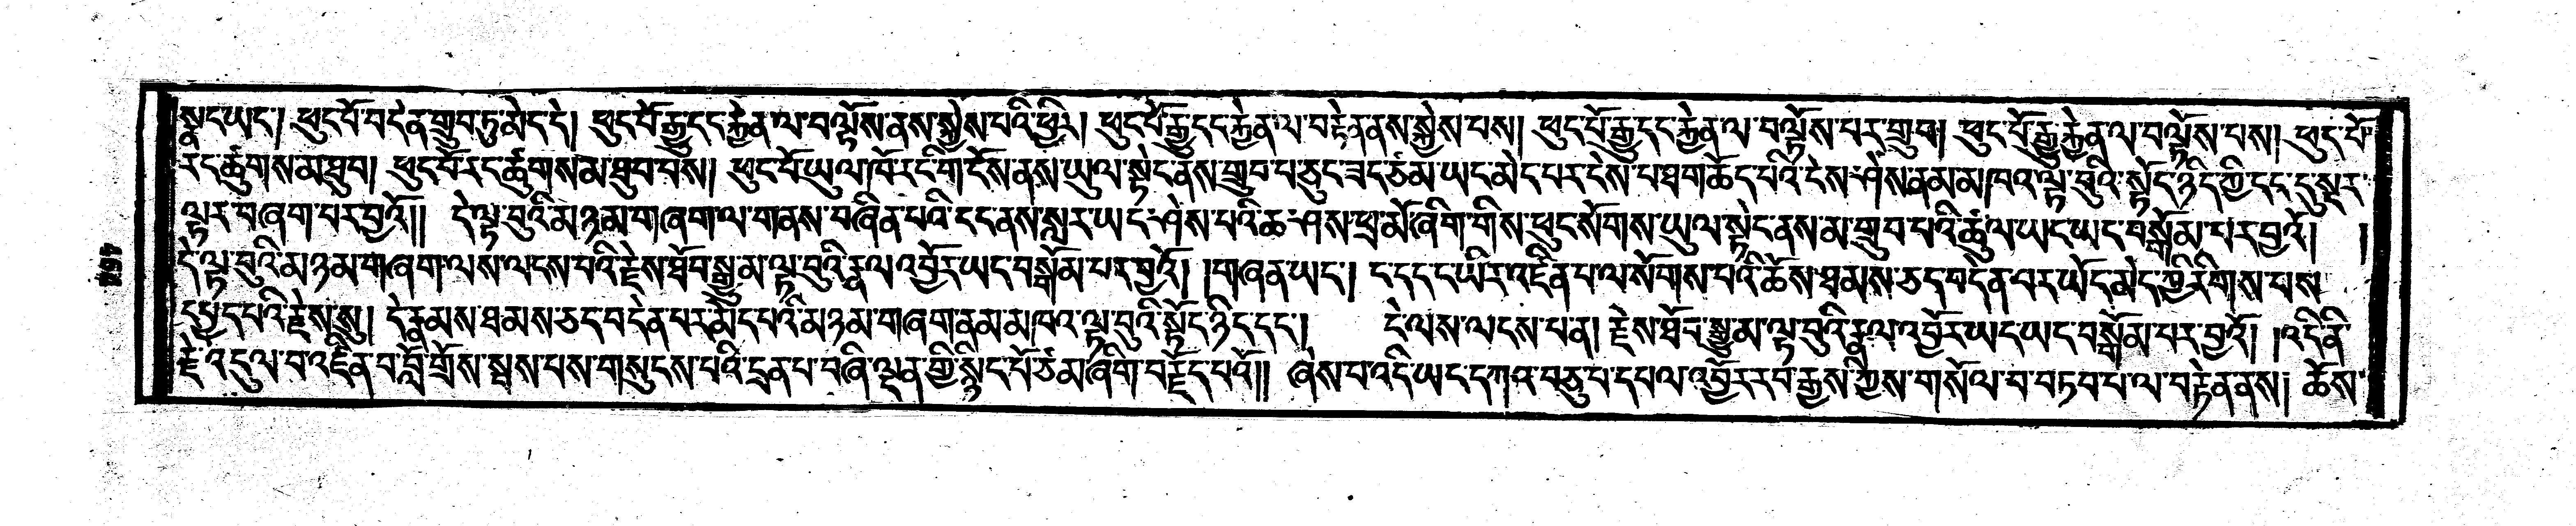སྣང་ཡང་། ཕུང་པོ་བདེན་གྲུབ་ཏུ་མེད་དེ། ཕུང་པོ་རྒྱུ་དང་རྐྱེན་ལ་བལྟོས་ནས་སྐྱེས་པའི་ཕྱིར། ཕུང་པོ་རྒྱུ་དང་རྐྱེན་ལ་བརྟེན་ནས་སྐྱེས་པས། ཕུང་པོ་རྒྱུ་དང་རྐྱེན་ལ་བལྟོས་པར་གྲུབ། ཕུང་པོ་རྒྱུ་རྐྱེན་ལ་བལྟོས་པས། ཕུང་པོ་
རང་ཚུགས་མ་ཐུབ། ཕུང་པོ་རང་ཚུགས་མ་ཐུབ་པས། ཕུང་པོ་ཡུལ་ཁོ་རང་གི་ངོས་ནས་ཡུལ་སྟེང་ནས་གྲུབ་པ་ཅུང་ཟད་ཙམ་ཡང་མེད་པར་ངེས་པ་ཐག་ཆོད་པའི་ངེས་ཤེས་ནམ་མཁའ་ལྟ་བུའི་སྟོང་ཉིད་ཀྱི་ངང་དུ་སྔར་
ལྟར་བཞག་པར་བྱའོ། །དེ་ལྟ་བུའི་མཉམ་གཞག་ལ་གནས་བཞིན་པའི་ངང་ནས་སླར་ཡང་ཤེས་པའི་ཆ་ཤས་ཕྲ་མོ་ཞིག་གིས་ཕུང་སོགས་ཡུལ་སྟེང་ནས་མ་གྲུབ་པའི་ཚུལ་ཡང་ཡང་བསྒོམ་པར་བྱའོ། །
དེ་ལྟ་བུའི་མཉམ་གཞག་ལས་ལངས་པའི་རྗེས་ཐོབ་སྒྱུ་མ་ལྟ་བུའི་རྣལ་འབྱོར་ཡང་བསྒོམ་པར་བྱའོ། །གཞན་ཡང་། ང་དང་ང་ཡིར་འཛིན་པ་ལ་སོགས་པའི་ཆོས་ཐམས་ཅད་བདེན་པར་ཡོད་མེད་ཀྱི་རིགས་པས་
དཔྱད་པའི་རྗེས་སུ། དེ་རྣམས་ཐམས་ཅད་བདེན་པར་མེད་པའི་མཉམ་གཞག་ནམ་མཁའ་ལྟ་བུའི་སྟོང་ཉིད་དང་། དེ་ལས་ལངས་པ་ན། རྗེས་ཐོབ་སྒྱུ་མ་ལྟ་བུའི་རྣལ་འབྱོར་ཡང་ཡང་བསྒོམ་པར་བྱའོ། །འདི་ནི་
རྗེ་འདུལ་བ་འཛིན་པ་བློ་གྲོས་སྦས་པས་གསུངས་པའི་དྲན་པ་བཞི་ལྡན་གྱི་སྙིང་པོ་ཙམ་ཞིག་བརྗོད་པའོ། །ཞེས་པ་འདི་ཡང་དཀའ་བཅུ་པ་དཔལ་འབྱོར་རབ་རྒྱས་ཀྱིས་གསོལ་བ་བཏབ་པ་ལ་བརྟེན་ནས། ཆོས་